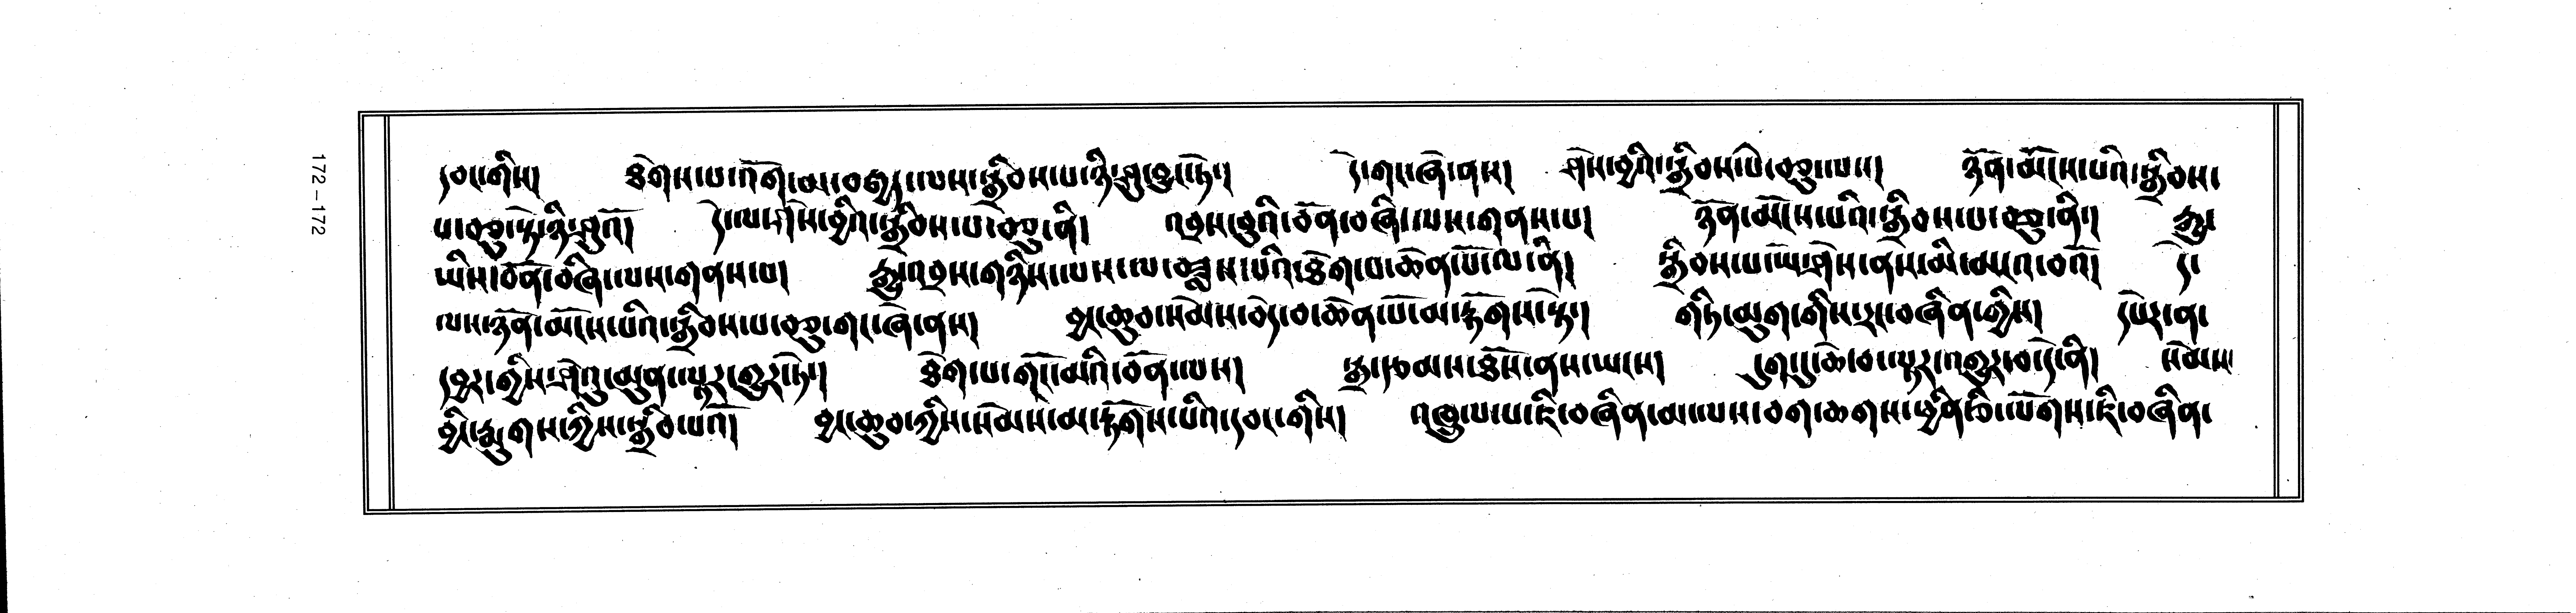དབང་གིས། ཐེག་པ་འོག་མ་བརྒྱད་ལས་སྒྲིབ་པ་ཉི་ཤུ་བྱང་ཏེ། དེ་གང་ཞེ་ནས། ཤེས་བྱའི་སྒྲིབ་པ་བཅུ་ལས། ཉོན་མོངས་པའི་སྒྲིབ་
པ་བཅུ་སྟེ་ཉི་ཤུའོ། དེ་ལ་ཤེས་བྱའི་སྒྲིབ་པ་བཅུ་ནི། འབྲས་བུའི་བོན་བཞི་ལས་གནས་པ། ཉོན་མོངས་པའི་སྒྲིབ་པ་བཅུ་ནི། རྒྱུ་
ཡིས་བོན་བཞི་ལས་གནས་པ། རྒྱུ་འབྲས་གཉིས་ལ་བཟླས་པའི་ཐེག་པ་ཆེན་པོ་ལ་ནི། སྒྲིབ་པ་ཡེ་ཤེས་ནས་མི་མངའ་བའོ། དེ་
ལས་ཉོན་མོངས་པའི་སྒྲིབ་པ་བཅུ་གང་ཞེ་ནས། བྱང་ཆུབ་སེམས་བདེ་བ་ཆེན་པོ་མ་རྟོགས་སྟེ། གཏི་མུག་གིས་རང་བཞིན་གྱིས། དཔེར་ན་
དབྱར་གྱིས་ཤེའུ་མུན་ལྟར་གྱུར་ཏེ། ཐེག་པ་གོང་མའི་བོན་ལས། སྒྲ་རྩམ་ཐོས་ནས་ཡང་། དུག་དུ་ཆེ་བ་ལྟར་འགྱུར་བ་དེ་ནི། སེམས་
བྱིང་རྨུགས་ཀྱིས་སྒྲིབ་པའོ། བྱང་ཆུབ་ཀྱིས་སེམས་མ་རྟོགས་པའི་དབང་གིས། འཁྲུལ་པ་ཇི་བཞིན་མ་ལས་བག་ཆགས་ཕྱིན་ཅི་ལོག་ཇི་བཞིན་